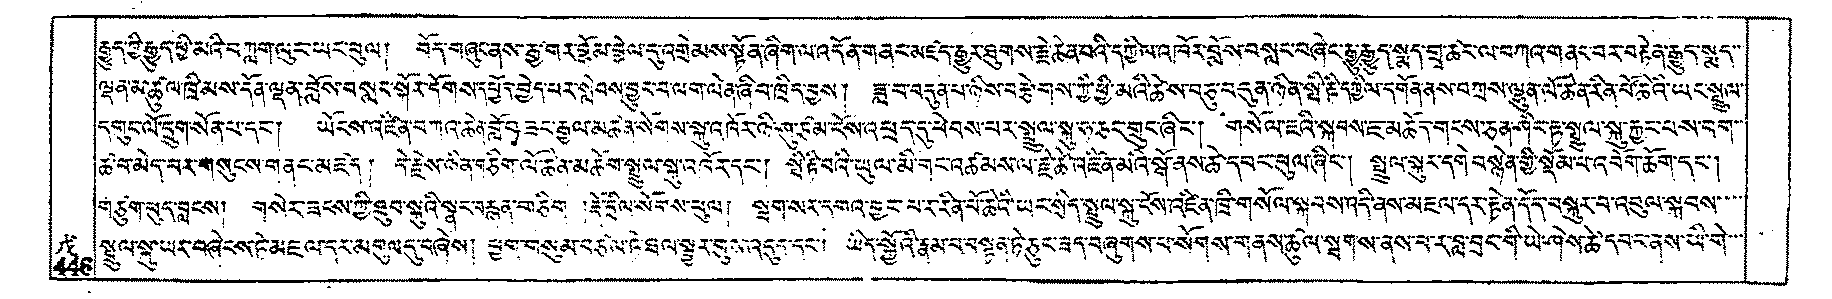རྒྱུད་ཀྱི་རྒྱུད་ཕྱི་མའི་བཀླག་ལུང་ཡང་ཕུལ། བོད་གཞུང་ནས་རྒྱ་གར་བྷོམ་བྷེལ་དུ་འགྲེམས་སྟོན་ཞིག་ལ་འདོན་གནང་མཛད་རྒྱུར་ཐུགས་རྗེ་ཆེན་པའི་དཀྱིལ་འཁོར་བློས་བསླང་བཞེང་རྒྱུ་རྒྱུད་སྨད་གྲྭ་ཚང་ལ་བཀའ་གནང་བར་བརྟེན་རྒྱུད་སྨད་
ལྡན་མ་ཚུལ་ཁྲིམས་དོན་ལྡན་བློས་བསླང་སྐོར་དོགས་དཔྱོད་བྱེད་པར་སླེབས་བྱུང་བ་ལག་ལེན་ཞིབ་ཁྲིད་བྱས། ཟླ་བ་བདུན་པ་ཉིས་བརྩེགས་ཀྱི་ཕྱི་མའི་ཚེས་བཅུ་བདུན་ཉིན་སྤི་རྟི་དཀྱིལ་དགོན་ནས་བཀྲས་ལྷུན་ལོ་ཆེན་རིན་པོ་ཆེའི་ཡང་སྤྲུལ་
དགུང་ལོ་དྲུག་སོན་པ་དང་། ཡོངས་འཛིན་བཀའ་ཆེན་བློ་བཟང་རྒྱལ་མཚན་སོགས་སྐུ་འཁོར་ཉི་ཤུ་ཙམ་ངོས་འཕྲད་དུ་ཕེབས་པར་སྤྲུལ་སྐུ་ཧ་ཅང་གྲུང་ཞིང་། གསོལ་ཇའི་སྐབས་ཇ་མཆོད་གངས་ཅན་ཤིང་རྟ་སྤྲུལ་སྐུ་རྐྱང་པས་བག་
ཚ་བ་མེད་པར་གསུངས་གནང་མཛད། དེ་རྗེས་ཉིན་གཅིག་ལོ་ཆེན་མཆོག་སྤྲུལ་སྐུ་འཁོར་དང་། སྤི་རྟི་བའི་ཡུལ་མི་གང་འཚམས་ལ་རྗེ་ཚེ་འཛིན་མའི་སྒོ་ནས་ཚེ་དབང་ཕུལ་ཞིང་། སྤྲུལ་སྐུར་དགེ་བསྙེན་གྱི་སྡོམ་པ་འབོག་ཆོག་དང་།
གཙུག་ཕུད་བླངས། གསེར་ཟངས་ཀྱི་ཐུབ་སྐུའི་སྣང་བརྙན་གཅིག །རྡོ་དྲིལ་སོགས་ཕུལ། སྦག་སར་དགའ་བྱང་ཕ་ར་རིན་པོ་ཆེའི་ཡང་སྲིད་སྤྲུལ་སྐུ་ངོས་འཛིན་ཁྲི་གསོལ་སྐབས་འདི་ནས་མཇལ་དར་རྟེན་དོད་བསྐུར་བ་འབུལ་སྐབས་
སྤྲུལ་སྐུ་ཡར་བཞེངས་ཏེ་མཇལ་དར་མགུལ་དུ་བཞེས། ཕྱག་གསུམ་བཙལ་ཏེ་ཐལ་སྦྱར་གུས་འདུད་དང་། ཡིད་སྐྱོའི་རྣམ་པ་བསྟན་ཏེ་ཅུང་ཟད་བཞུགས་པ་སོགས་གནས་ཚུལ་སྦག་ས་ནས་ཕ་ར་བླ་བྲང་གི་ཡེ་ཤེས་ཚེ་དབང་ནས་ཡི་གེ་